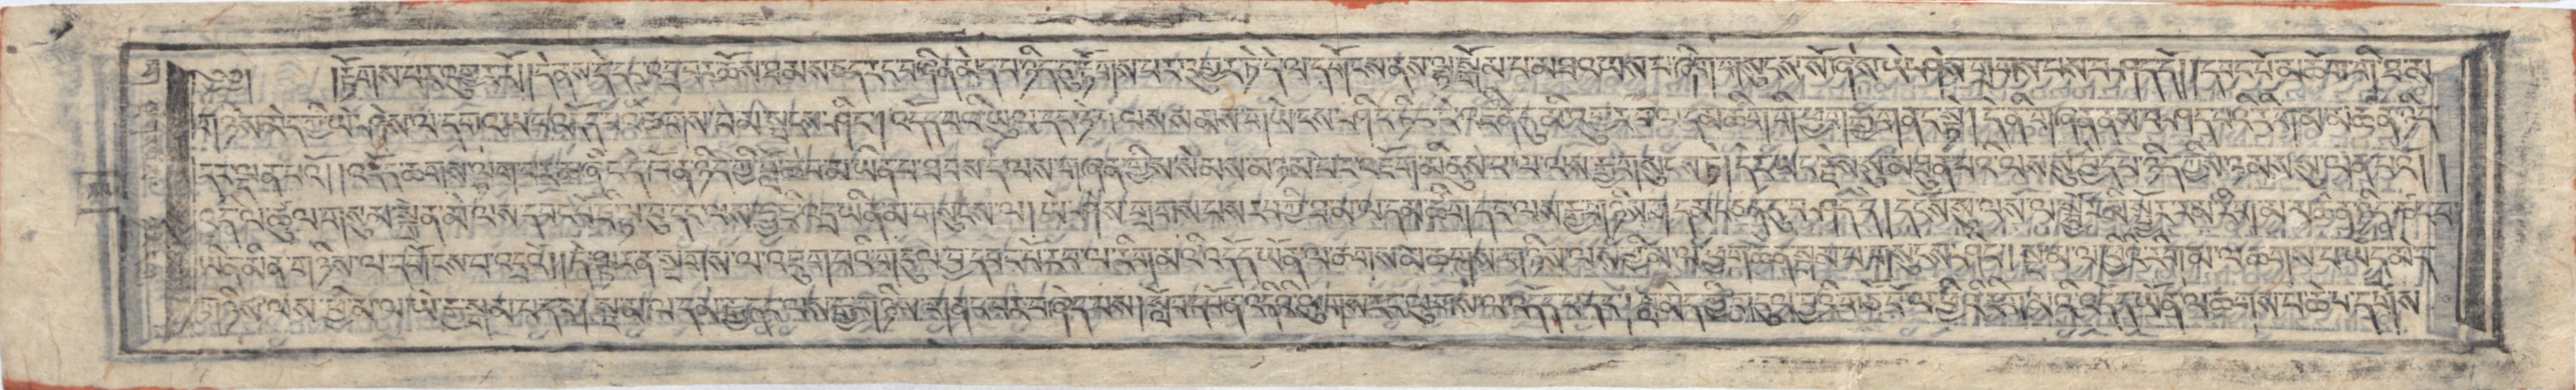༄༅། །རྟོགས་པར་འགྱུར་རོ། །དེ་ནས་དེ་དང་འདྲ་བར་ཆོས་ཐམས་ཅད་རང་བཞིན་མེད་པ་ཉིད་དུ་རྟོགས་པར་འགྱུར་ཏེ་དེ་ལ་དགོངས་ནས་ལྷ་སྒོམ་པ་མཐའ་ཡས་པ་ཞིག་གསུངས་སོ་ཞེས་ཡེ་ཤེས་གྲགས་པས་བཤད་དོ། །དབང་པོ་མཆོག་གི་ཐ་མ་
གཉིས་མེད་ཀྱི་ཡེ་ཤེས་ལ་དགའ་ཡང་འདོད་པའི་ཆགས་པ་མ་སྤངས་ཤིང་། འདོད་པའི་ཡུལ་དང་ཉེ་བ་ལས་སེམས་གཡེངས་ཤིང་ཏིང་ངེ་འཛིན་དུ་མི་འགྱུར་བ་ལ་དམ་ཚིག་གི་ཕྱག་རྒྱ་གནང་སྟེ། དེ་ནི་གཞན་ནས་བཤད་པའི་རིག་མ་མཚན་ཉིད་
དང་ལྡན་པའོ། །འདོད་ཆགས་ལྷག་པར་ཆེ་ཞིང་དེ་ཁོ་ན་ཉིད་ཀྱི་བློ་ཆེ་བ་མ་ཡིན་པ་ཐབས་དེ་ལས་གཞན་གྱིས་སེམས་མཉམ་པར་འཇོག་མི་ནུས་པ་ལ་ལས་རྒྱ་གསུངས་ཏེ། དེར་ཡང་རྗེས་སུ་མཐུན་པའི་ལས་སུ་བྱེད་པ་ཉིད་ཀྱིས་ཉམས་སུ་ལེན་པའོ། །
འདི་ལ་ཚུལ་གསུམ་སྒྲོན་མེ་ལས་དབང་པོ་ཇི་ལྟ་བུ་དང་ལས་རྒྱ་ཇི་འདྲ་ཡིན་མ་གསུངས་ལ། ཡེ་ཤེས་གྲགས་པས་རབ་ཀྱི་ཐ་མ་ལ་དམ་ཚིག་དང་ལས་རྒྱ་གཉིས་གདམ་ང་ཅན་དུ་བཤད་དེ། དངོས་སུ་ལས་ལ་སྦྱོར་མི་སྦྱོར་རམ་རིག་མ་མཚན་ཉིད་ཚང་བ་
ཡིན་མིན་གཉིས་ལ་དགོངས་པ་འདྲའོ། །དེ་ལྟར་ན་སྔགས་ལ་འཇུག་པའི་གདུལ་བྱ་དབང་པོ་རབ་ལ་རིག་མའི་འདོད་ཡོན་ལ་ཆགས་མ་ཆགས་གཉིས་ལས་ཕྱི་མ་ལ་ཕྱག་ཆེན་སྒོམ་པ་གསུངས་ཤིང་། སྔ་མ་ལ་ཕྱིའི་རིག་མ་ལ་ཆགས་པ་ཡོད་མེད་
གཉིས་ལས་ཕྱི་མ་ལ་ཡི་རྒྱ་སྒོམ་པ་དང་། སྔ་མ་ལ་དམ་རྒྱ་དང་ལས་རྒྱ་གཉིས་གནང་བར་བཞེད་པས། སློབ་དཔོན་འདིའི་ལུགས་རང་ལུགས་ལ་འདོད་པ་དང་། བླ་མེད་ཀྱི་གདུལ་བྱའི་གཙོ་བོ་ལ་ཕྱིའི་རིག་མའི་འདོད་ཡོན་ལ་ཆགས་པ་ཆེ་བ་དགོས་